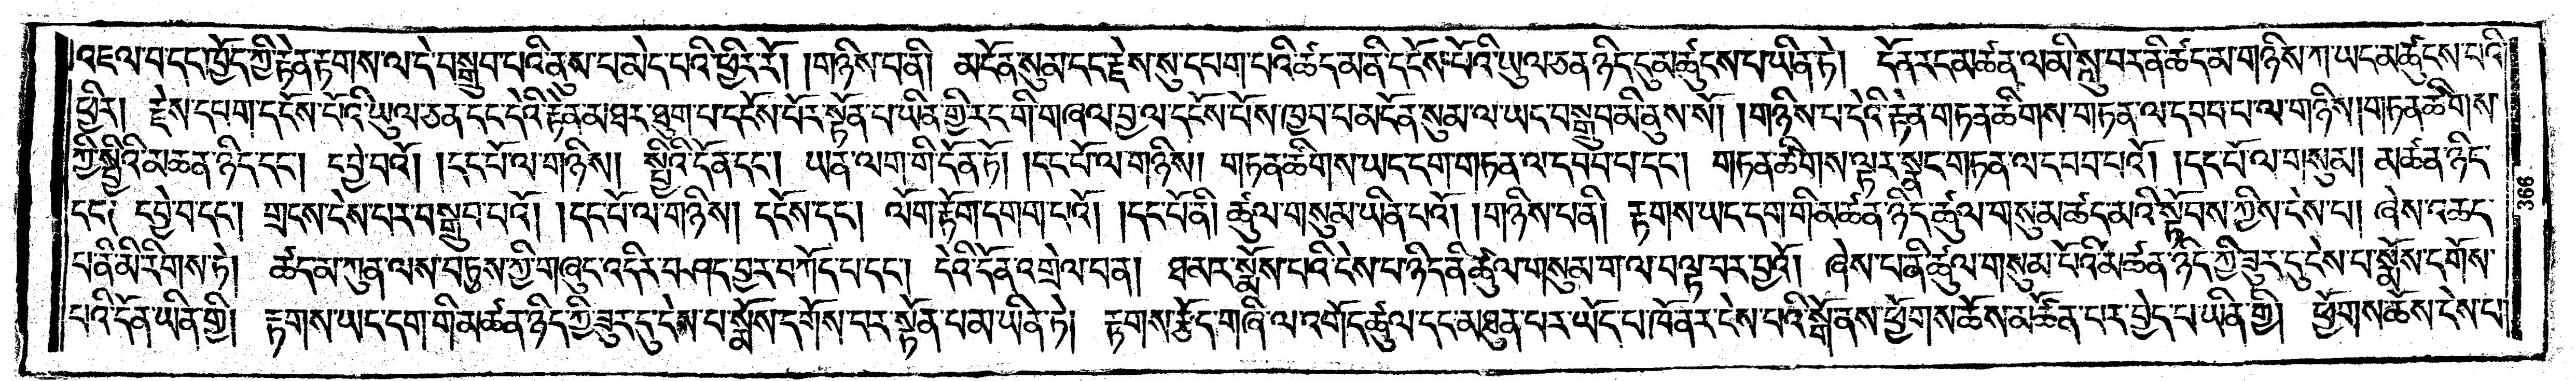འཇལ་བ་དང་ཁྱོད་ཀྱི་རྟེན་རྟགས་ལ་དེ་བསྒྲུབ་པའི་ནུས་པ་མེད་པའི་ཕྱིར་རོ། །གཉིས་པ་ནི། མངོན་སུམ་དང་རྗེས་སུ་དཔག་པའི་ཚད་མ་ནི་དངོས་པོའི་ཡུལ་ཅན་ཉིད་དུ་མཚུངས་པ་ཡིན་ཏེ། དོན་རང་མཚན་ལ་མི་སླུ་བར་ནི་ཚད་མ་གཉིས་ཀ་ཡང་མཚུངས་པའི་
ཕྱིར། རྗེས་དཔག་དངོས་པོའི་ཡུལ་ཅན་དང་དེའི་རྟེན་མཐར་ཐུག་པ་དངོས་པོར་སྟོན་པ་ཡིན་གྱི་རང་གི་གཞལ་བྱ་ལ་དངོས་པོས་ཁྱབ་པ་མངོན་སུམ་ལ་ཡང་བསྒྲུབ་མི་ནུས་སོ། །གཉིས་པ་དེའི་རྟེན་གཏན་ཚིགས་གཏན་ལ་དབབ་པ་ལ་གཉིས། གཏན་ཚིགས་
ཀྱི་སྤྱིའི་མཚན་ཉིད་དང་། དབྱེ་བའོ། །དང་པོ་ལ་གཉིས། སྤྱིའི་དོན་དང་། ཡན་ལག་གི་དོན་ཏོ། །དང་པོ་ལ་གཉིས། གཏན་ཚིགས་ཡང་དག་གཏན་ལ་དབབ་པ་དང་། གཏན་ཚིགས་ལྟར་སྣང་གཏན་ལ་དབབ་པའོ། །དང་པོ་ལ་གསུམ། མཚན་ཉིད་
དང་། དབྱེ་བ་དང་། གྲངས་ངེས་པར་བསྒྲུབ་པའོ། །དང་པོ་ལ་གཉིས། དངོས་དང་། ལོག་རྟོག་དགག་པའོ། །དང་པོ་ནི། ཚུལ་གསུམ་ཡིན་པའོ། །གཉིས་པ་ནི། རྟགས་ཡང་དག་གི་མཚན་ཉིད་ཚུལ་གསུམ་ཚད་མའི་སྟོབས་ཀྱིས་ངེས་པ། ཞེས་འཆད་
པ་ནི་མི་རིགས་ཏེ། ཚད་མ་ཀུན་ལས་བཏུས་ཀྱི་གཞུང་འདིར་བཤད་བྱར་བཀོད་པ་དང་། དེའི་དོན་འགྲེལ་པ་ན། ཐ་མར་སྨོས་པའི་ངེས་པ་ཉིད་ནི་ཚུལ་གསུམ་ག་ལ་བལྟ་བར་བྱའོ། ཞེས་པ་ནི་ཚུལ་གསུམ་པོའི་མཚན་ཉིད་ཀྱི་ཟུར་དུ་ངེས་པ་སྨོས་དགོས་
པའི་དོན་ཡིན་གྱི། རྟགས་ཡང་དག་གི་མཚན་ཉིད་ཀྱི་ཟུར་དུ་ངེས་པ་སྨོས་དགོས་པར་སྟོན་པ་མ་ཡིན་ཏེ། རྟགས་རྩོད་གཞི་ལ་འགོད་ཚུལ་དང་མཐུན་པར་ཡོད་པ་ཁོ་ནར་ངེས་པའི་སྒོ་ནས་ཕྱོགས་ཆོས་མཚོན་པར་བྱེད་པ་ཡིན་གྱི། ཕྱོགས་ཆོས་ངེས་པ་